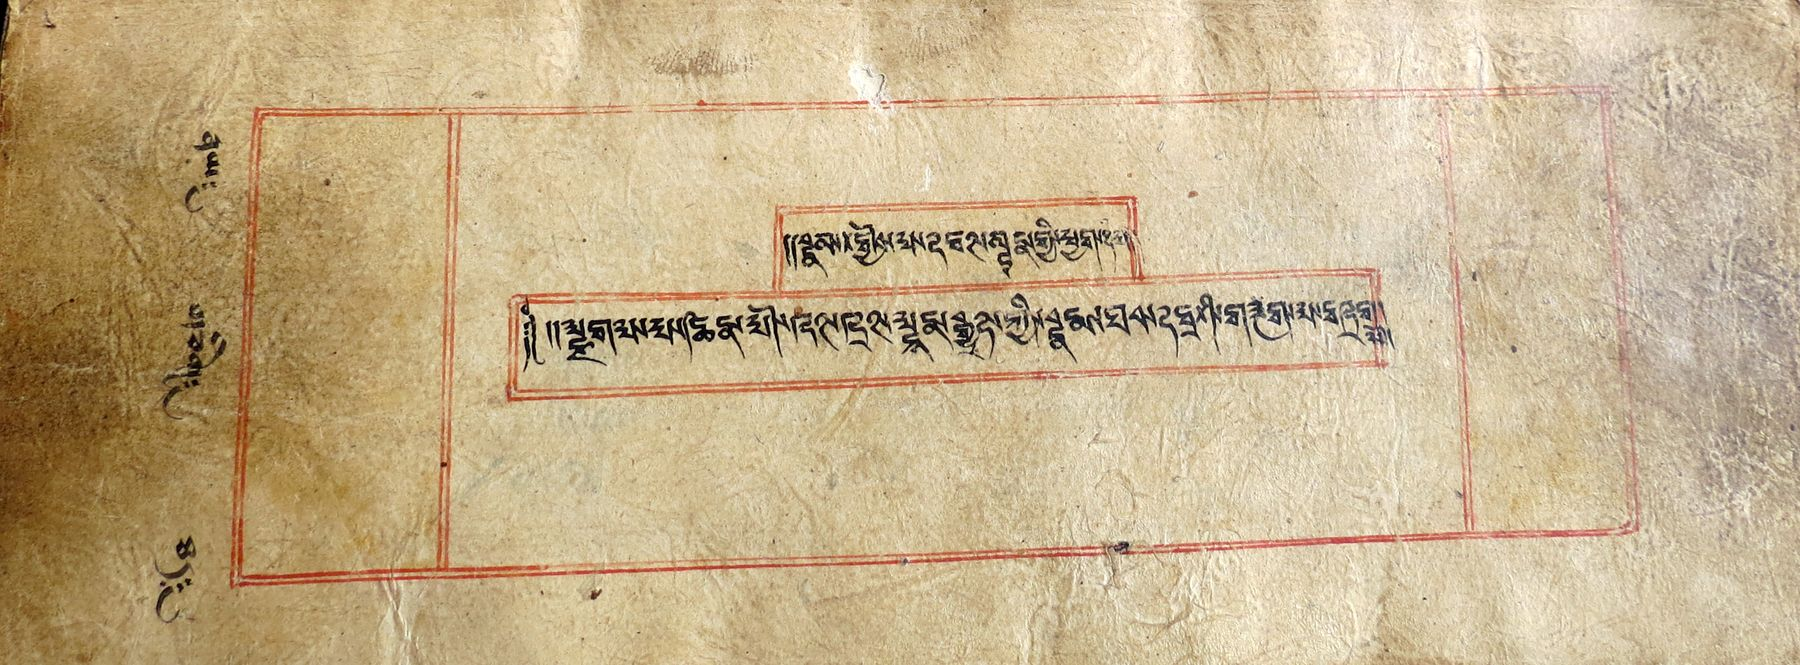རྫོགས་པ་ཆེན་པོ་ཞང་ཞུང་སྙན་རྒྱུད་ཀྱི་རྣམ་བཤད་གསལ་བའི་མེ་ལོང་ཞེས་བྱ་བ།